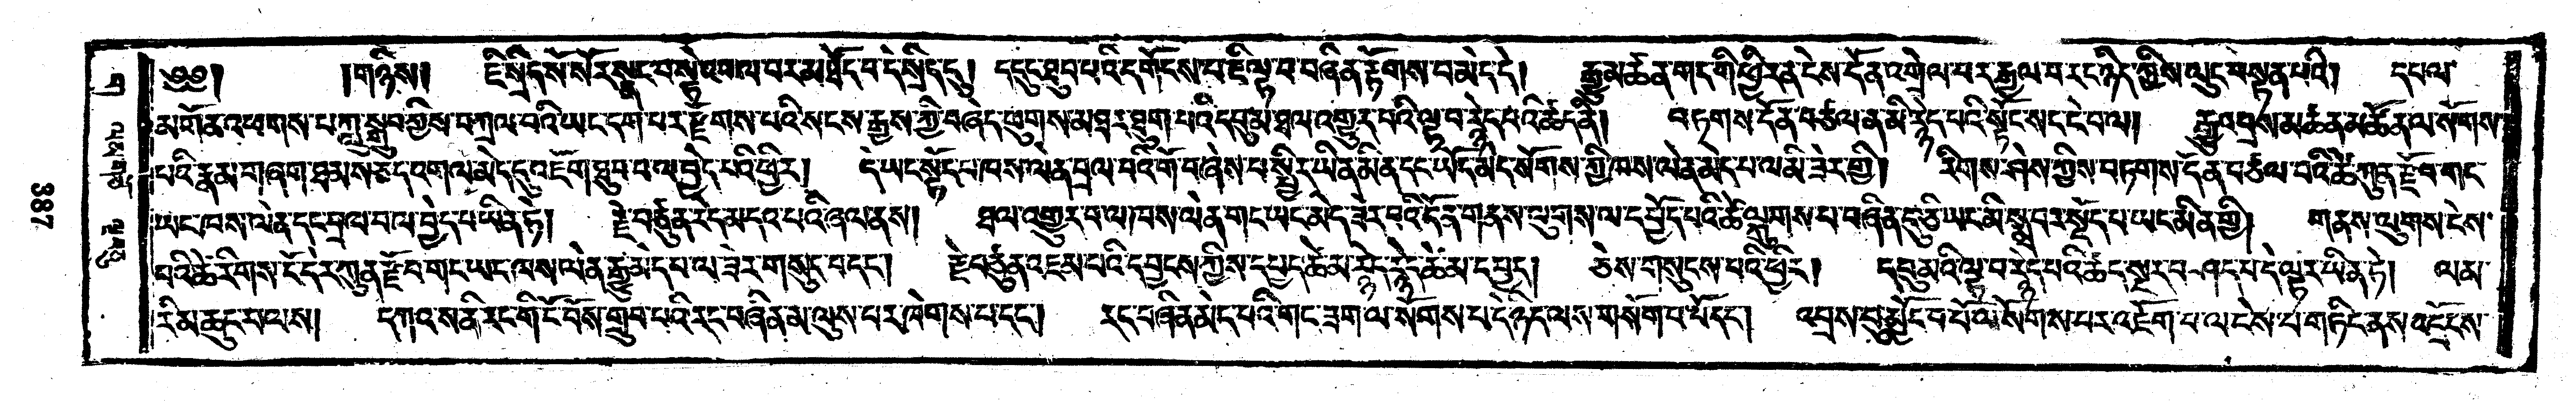༄༅། །གཉིས། ཇི་སྲིད་སོ་སོར་སྣང་བ་སྟེ་འཕལ་བར་མཐོང་བ་དེ་སྲིད་དུ། ད་དུང་ཐུབ་པའི་དགོངས་པ་ཇི་ལྟ་བ་བཞིན་རྟོགས་པ་མེད་དེ། རྒྱུ་མཚན་གང་གི་ཕྱིར་ན་ངེས་དོན་འགྲེལ་པར་རྒྱལ་བ་རང་ཉིད་ཀྱིས་ལུང་བསྟན་པའི། །དཔལ་
མགོན་འཕགས་པ་ཀླུ་སྒྲུབ་ཀྱིས་བཀྲལ་བའི་ཡང་དག་པར་རྫོགས་པའི་སངས་རྒྱས་ཀྱི་བཞེད་ཡུལ་ཕུགས་མཐར་ཐུག་པའི་དབུ་མ་ཐལ་འགྱུར་པའི་ལྟ་བ་རྙེད་པའི་ཚད་ནི། བཏགས་དོན་བཙལ་ན་མི་རྙེད་པའི་སྟོང་སང་ངེ་བ་ལ། རྒྱུ་འབྲས་མཚན་མཚོན་ལ་སོགས་
པའི་རྣམ་གཞག་ཐམས་ཅད་འགལ་མེད་དུ་འཇོག་ཐུབ་པ་ལ་བྱེད་པའི་ཕྱིར། དེ་ཡང་སྟོང་པ་ཁས་ལེན་བྲལ་བའི་གོ་བ་ཞེས་པ་སྤྱིར་ཡིན་མིན་དང་ཡོད་མེད་སོགས་ཀྱི་ཁས་ལེན་མེད་པ་ལ་མི་ཟེར་གྱི། རིགས་ཤེས་ཀྱི་བཏགས་དོན་བཙལ་བའི་ཚེ་ཀུན་རྫོབ་གང་
ཡང་ཁས་ལེན་དང་བྲལ་བ་ལ་བྱེད་པ་ཡིན་ཏེ། རྗེ་བཙུན་རེང་མདའ་བའི་ཞལ་ནས། ཐལ་འགྱུར་བ་ལ་ཁས་ལེན་གང་ཡང་མེད་ཟེར་བའི་དོན་གནས་ལུགས་ལ་དཔྱོད་པའི་ཚེ་ལྐུགས་པ་བཞིན་དུ་ཅི་ཡང་མི་སྨྲ་བར་བསྡོད་པ་ཡང་མིན་གྱི། གནས་ལུགས་ངེས་
པའི་ཚེ་རིགས་ངོ་དེར་ཀུན་རྫོབ་གང་ཡང་ཁས་ལེན་རྒྱུ་མེད་པ་ལ་ཟེར་གསུངས་བ་དང་། རྗེ་བཙུན་འཇམ་པའི་དབྱངས་ཀྱིས་དཔྱད་ཚེ་མ་རྙེད་རྙེད་ཚེ་མ་དཔྱད། ཅེས་གསུངས་པའི་ཕྱིར། དབུ་མའི་ལྟ་བ་རྙེད་པའི་ཚད་སྔར་བཤད་པ་དེ་ལྟར་ཡིན་ཏེ། ལམ་
རིམ་ཆུང་བ་ལས། དཀའ་ས་ནི་རང་གི་ངོ་བོས་གྲུབ་པའི་རང་བཞིན་མ་ལུས་པར་ཁེགས་པ་དང་། རང་བཞིན་མེད་པའི་གང་ཟག་ལ་སོགས་པ་དེ་ཉིད་ལས་གསོག་པ་པོ་དང་། འབྲས་བུ་མྱོང་བ་པོ་ལ་སོགས་པར་འཇོག་པ་ལ་ངེས་པ་གཏིང་ནས་འདྲོངས་